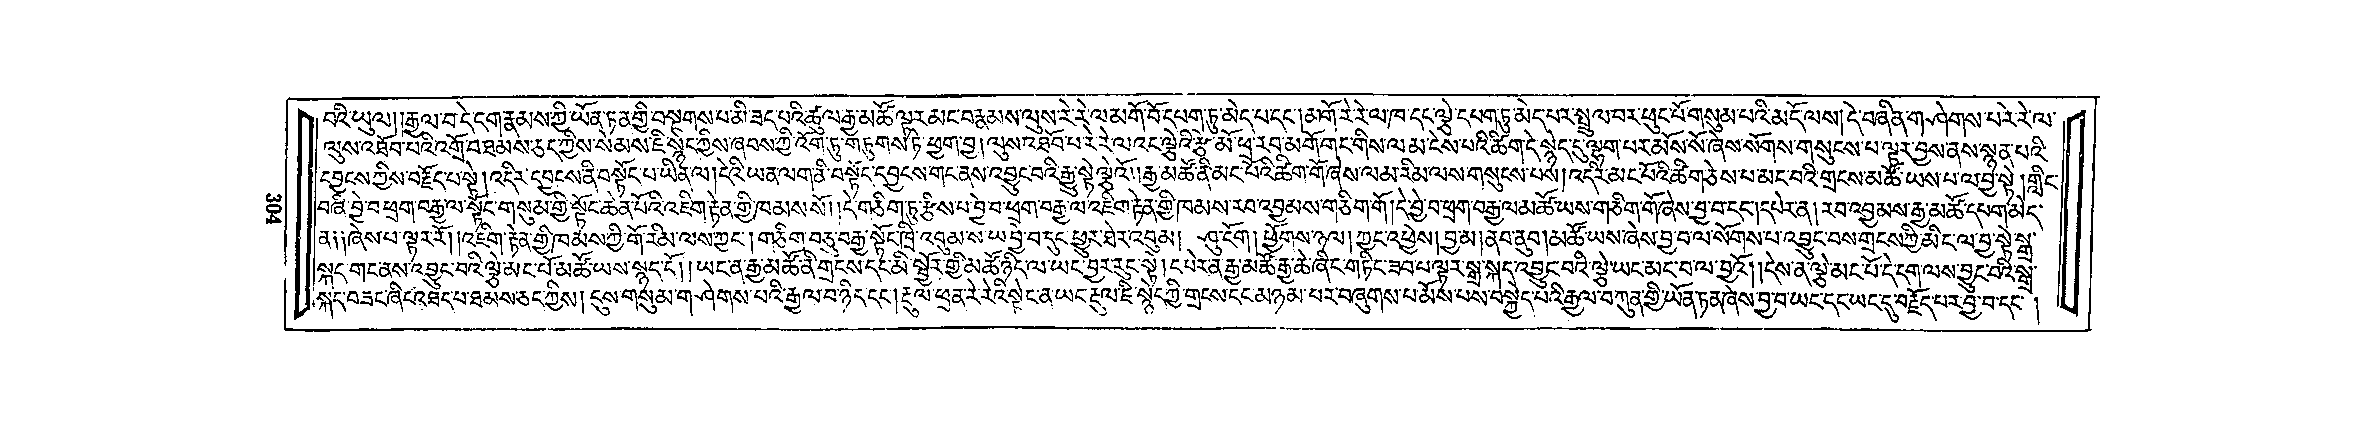བའི་ཡུལ། །རྒྱལ་བ་དེ་དག་རྣམས་ཀྱི་ཡོན་ཏན་གྱི་བསྔགས་པ་མི་ཟད་པའི་ཚུལ་རྒྱ་མཚོ་ལྟར་མང་བ་རྣམས་ལུས་རེ་རེ་ལ་མགོ་བོ་དཔག་ཏུ་མེད་པ་དང་། མགོ་རེ་རེ་ལ་ཁ་དང་ལྕེ་དཔག་ཏུ་མེད་པར་སྤྲུལ་བར་ཕུང་པོ་གསུམ་པའི་མདོ་ལས། དེ་བཞིན་གཤེགས་པ་རེ་རེ་ལ་
ལུས་འཐོབ་པའི་འགྲོ་བ་ཐམས་ཅད་ཀྱིས་སེམས་ཇི་སྙེད་ཀྱིས་ཞབས་ཀྱི་འོག་ཏུ་གཏུགས་ཏེ་ཕྱག་བྱ། ལུས་འཐོབ་པ་རེ་རེ་ལའང་ལྕེའི་རྩེ་མོ་ཕྲ་རབ་མགོ་གང་གིས་ལམ་ངེས་པའི་ཚིག་དེ་སྙེད་དུ་ལྷག་པར་མོས་སོ་ཞེས་སོགས་གསུངས་པ་ལྟར་བྱས་ནས་སྙན་པའི་
དབྱངས་ཀྱིས་བརྗོད་པ་སྟེ། འདིར་དབྱངས་ནི་བསྟོད་པ་ཡིན་ལ། དེའི་ཡན་ལག་ནི་བསྟོད་དབྱངས་གང་ནས་འབྱུང་བའི་རྒྱུ་སྟེ་ལྕེའོ། །རྒྱ་མཚོ་ནི་མང་པོའི་ཚིག་གོ་ཞེས་ལམ་རིམ་ལས་གསུངས་པས། འདིར་མང་པོའི་ཚིག་ཅེས་པ་མང་བའི་གྲངས་མཚོ་ཡས་པ་ལ་བྱ་སྟེ། གླིང་
བཞི་བྱེ་བ་ཕྲག་བརྒྱ་ལ་སྟོང་གསུམ་གྱི་སྟོང་ཆེན་པོའི་འཇིག་རྟེན་གྱི་ཁམས་སོ། །དེ་གཅིག་ཏུ་རྩིས་པ་བྱེ་བ་ཕྲག་བརྒྱ་ལ་འཇིག་རྟེན་གྱི་ཁམས་རབ་འབྱམས་གཅིག་གོ །དེ་བྱེ་བ་ཕྲག་བརྒྱ་ལ་མཚོ་ཡས་གཅིག་གོ་ཞེས་བྱ་བ་དང་། དཔེར་ན། རབ་འབྱམས་རྒྱ་མཚོ་དཔག་མེད་
ན། ཞེས་པ་ལྟར་རོ། །འཇིག་རྟེན་གྱི་ཁམས་ཀྱི་གོ་རིམ་ལས་ཀྱང་། གཅིག་བཅུ་བརྒྱ་སྟོང་ཁྲི་འབུམ་ས་ཡ་བྱེ་བ་དུང་ཕྱུར་ཐེར་འབུམ། ཤུ་ངོག །ཕྱོགས་ཉལ། ཀྱང་འཕྱེས། བྱ་མ། ནབ་ནུབ། མཚོ་ཡས་ཞེས་བྱ་བ་ལ་སོགས་པ་འབྱུང་བས་གྲངས་ཀྱི་མིང་ལ་བྱ་སྟེ་སྒྲ་
སྐད་གང་ནས་འབྱུང་བའི་ལྕེ་མང་པོ་མཚོ་ཡས་སྙད་དོ། །ཡང་ན་རྒྱ་མཚོ་ནི་གྲངས་དང་མི་སྦྱོར་གྱི་མཚོ་ཉིད་ལ་ཡང་བྱར་རུང་སྟེ། དཔེར་ན་རྒྱ་མཚོ་རྒྱ་ཆེ་ཞིང་གཏིང་ཟབ་པ་ལྟར་སྒྲ་སྐད་འབྱུང་བའི་ལྕེ་ཡང་མང་བ་ལ་བྱའོ། །དེས་ན་ལྕེ་མང་པོ་དེ་དག་ལས་བྱུང་བའི་སྒྲ་
སྐད་བཟང་ཞིང་འཐད་པ་ཐམས་ཅད་ཀྱིས། དུས་གསུམ་གཤེགས་པའི་རྒྱལ་བ་ཉིད་དང་། རྡུལ་ཕྲན་རེ་རེའི་སྟེང་ན་ཡང་རྡུལ་ཇི་སྙེད་ཀྱི་གྲངས་དང་མཉམ་པར་བཞུགས་པ་མོས་པས་བསྐྱེད་པའི་རྒྱལ་བ་ཀུན་གྱི་ཡོན་ཏན་ཞེས་བྱ་བ་ཡང་དང་ཡང་དུ་བརྗོད་པར་བྱ་བ་དང་།